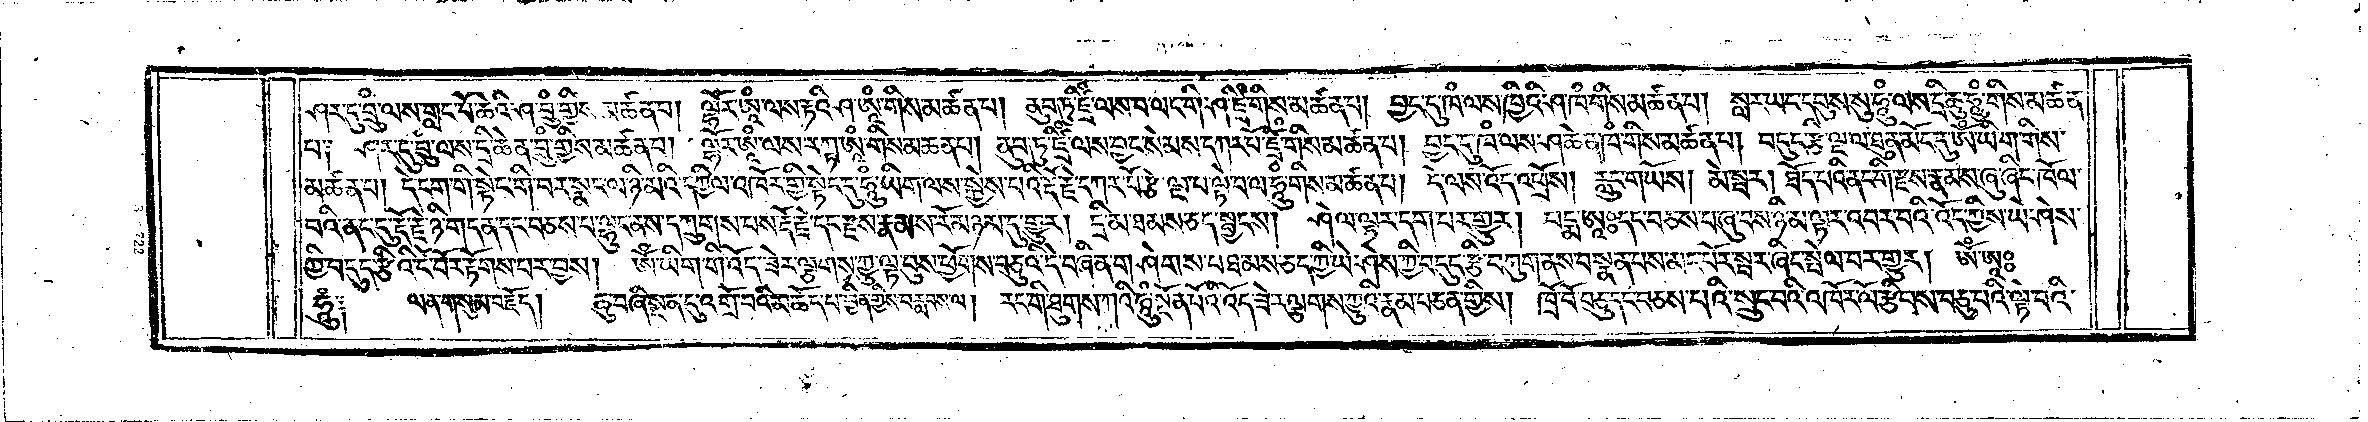ཤར་དུ་བྲུཾ་ལས་གླང་པོ་ཆེའི་ཤ་བྲུཾ་གྱིས་མཚན་པ། ལྷོར་ཨཱཾ་ལས་རྟའི་ཤ་ཨཱཾ་གིས་མཚན་པ། ནུབ་ཏུ་ཛྲིཾ་ལས་བ་ལང་གི་ཤ་ཛྲིཾ་གིས་མཚན་པ། བྱང་དུ་ཁཾ་ལས་ཁྱིའི་ཤ་ཁཾ་གིས་མཚན་པ། སླར་ཡང་དབུས་སུ་ཧཱུཾ་ལས་དྲི་ཆུ་ཧཱུཾ་གིས་མཚན་
པ༑ ཤར་དུ་བྲུཾ་ལས་དྲི་ཆེན་བྲུཾ་གྱིས་མཚན་པ། ལྷོར་ཨཱཾ་ལས་ར་ཀཏ་ཨཱཾ་གྱིས་མཚན་པ། ནུབ་ཏུ་ཛྲིཾ་ལས་བྱང་སེམས་དཀར་པོ་ཛྲི་གིས་མཚན་པ། བྱང་དུ་ཁཾ་ལས་ཤ་ཆེན་ཁཾ་གིས་མཚན་པ། བདུད་རྩི་ལྔ་ལ་ཐུན་མོང་དུ་ཨོཾ་ཡིག་གིས་
མཚན་པ། དེ་དག་གི་སྟེང་གི་བར་སྣང་ལ་ཉི་མའི་དཀྱིལ་འཁོར་གྱི་སྟེང་དུ་ཧཱུཾ་ཡིག་ལས་སྐྱེས་པའི་རྡོ་རྗེ་དཀར་པོ་རྩེ་ལྔ་པ་ལྟེ་བ་ལ་ཧཱུཾ་གིས་མཚན་པ། དེ་ལས་འོད་འཕྲོས། རླུང་གཡོས། མེ་སྦར། ཐོད་པའི་ནང་གི་རྫས་རྣམས་ཞུ་ཞིང་ཁོལ་
བའི་ནང་དུ་རྡོ་རྗེ་ཉི་གདན་དང་བཅས་པ་ལྷུང་ནས་དཀྲུགས་པས་རྡོ་རྗེ་དང་རྫས་རྣམས་རོ་མཉམ་དུ་གྱུར། དྲི་མ་ཐམས་ཅད་སྦྱངས། ཤེལ་ལྟར་དག་པར་གྱུར། པདམ་ཨཱཿདང་བཅས་པ་ཞུ་བས་ཉི་མ་ལྟར་འབར་བའི་འོད་ཀྱིས་ཡེ་ཤེས་
ཀྱི་བདུད་རྩིའི་ངོ་བོར་རྟོགས་པར་བྱས། ཨོཾ་ཡིག་གི་འོད་ཟེར་ལྕགས་ཀྱུ་ལྟ་བུས་ཕྱོགས་བཅུའི་དེ་བཞིན་གཤེགས་པ་ཐམས་ཅད་ཀྱི་ཡེ་ཤེས་ཀྱི་བདུད་རྩི་བཀུག་ནས་བསྣན་པས་མང་པོར་སྦར་ཞིང་སྤེལ་བར་གྱུར། ཨོཾ་ཨཱཿ
ཧཱུཾ༑ ལན་གསུམ་བརྗོད།  ཆུ་བཞི་སྔན་དུ་འགྲོ་བའི་མཆོད་པ་བྱིན་གྱིས་བརླབས་ལ།  རང་གི་ཐུགས་ཀའི་ཧཱུཾ་སྔོན་པོའི་འོད་ཟེར་ལྕགས་ཀྱུའི་རྣམ་པ་ཅན་གྱིས། ཁྲོ་བོ་བཅུ་དང་བཅས་པའི་སྲུང་བའི་འཁོར་ལོ་རྩིབས་བཅུ་པའི་ལྟེ་བའི་